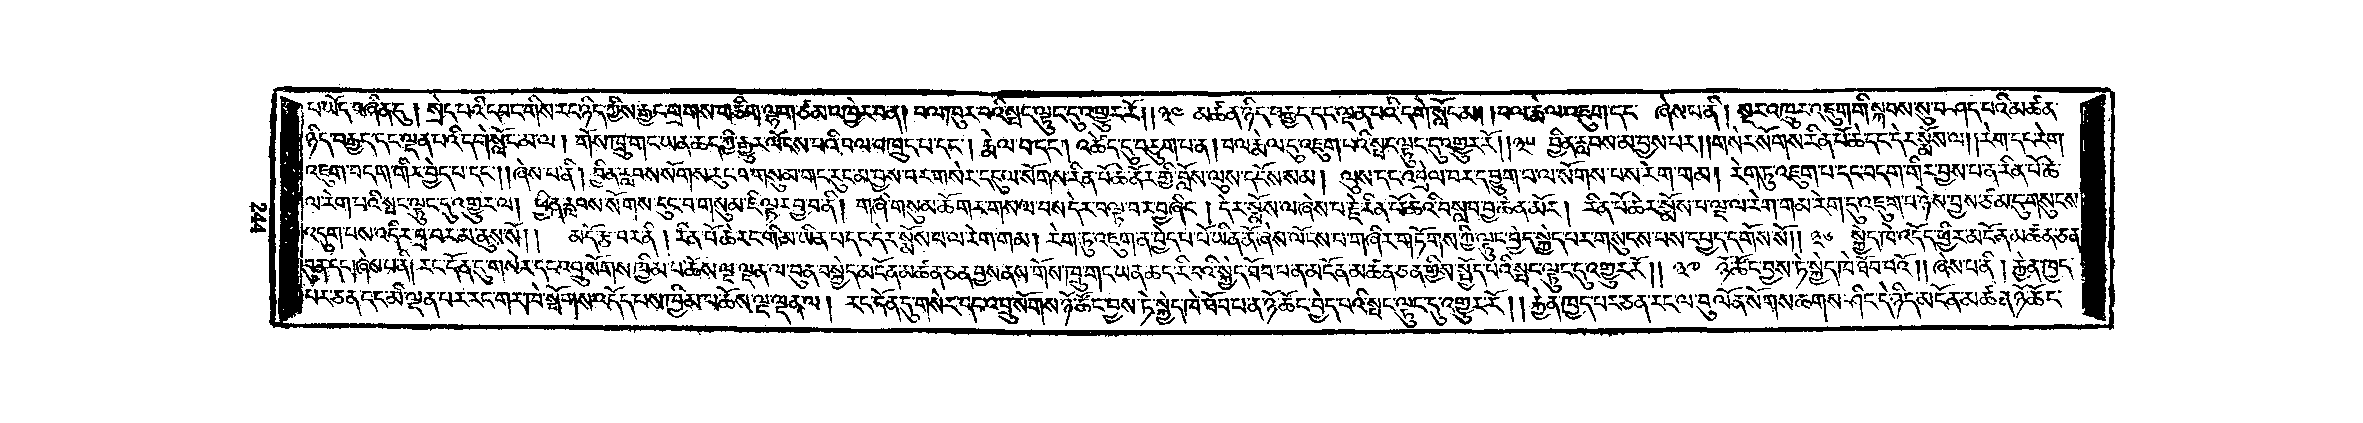པ་ཡོད་བཞིན་དུ། སྲེད་པའི་དབང་གིས་རང་ཉིད་ཀྱིས་རྒྱང་གྲགས་གཅིག་ལྷག་ཙམ་ལ་ཁྱེར་བ་ན། བལ་ཁུར་བའི་སྤང་ལྟུང་དུ་འགྱུར་རོ། །མཚན་ཉིད་བརྒྱད་དང་ལྡན་པའི་དགེ་སློང་མ། །བལ་རྨེལ་འཇུག་དང་ཞེས་པ་ནི། སྔར་འཁྲུར་འཇུག་གི་སྐབས་སུ་བཤད་པའི་མཚན་
ཉིད་བརྒྱད་དང་ལྡན་པའི་དགེ་སློང་མ་ལ། གོས་ཁྲུ་གང་ཡན་ཆད་ཀྱི་རྒྱུར་ལོངས་པའི་བལ་འཁྲུད་པ་དང་། རྨེལ་བ་དང་། འཚེད་དུ་བཅུག་པ་ན། བལ་རྨེལ་དུ་འཇུག་པའི་སྤང་ལྟུང་དུ་འགྱུར་རོ། །བྱིན་རླབས་མ་བྱས་པར། །གསེར་སོགས་རིན་པོ་ཆེ་དང་དེར་སྨོས་ལ། །རེག་དང་རེག་
འཇུག་བདག་གིར་བྱེད་པ་དང་། །ཞེས་པ་ནི། བྱིན་རླབས་སོགས་རུང་བ་གསུམ་གང་རུང་མ་བྱས་པར་གསེར་དངུལ་སོགས་རིན་པོ་ཆེ་ནོར་གྱི་བློས་ལུས་དངོས་སམ། ལུས་དང་འབྲེལ་བར་དབྱུག་པ་ལ་སོགས་པས་རེག་གམ། རེག་ཏུ་འཇུག་པ་དང་བདག་གིར་བྱས་པ་ན་རིན་པོ་ཆེ་
ལ་རེག་པའི་སྤང་ལྟུང་དུ་འགྱུར་ལ། ཕྱིན་རླབས་སོགས་ངུར་བ་གསུམ་ཇི་ལྟར་བྱ་བ་ནི། གཞི་གསུམ་ཆོ་གར་གསལ་བས་དེར་བལྟ་བར་བྱ་ཞིང་། དེར་སྨོས་ལ་ཞེས་པ་རྗེ་རིན་པོ་ཆེའི་བསླབ་བྱ་ཆེན་མོར། རིན་པོ་ཆེར་སྨོས་པ་ལྔ་ལ་རེག་གམ་རེག་དུ་འཇུག་པ་ཉེས་བྱས་ཙམ་དུ་གསུངས་
འདུག་པས་འདིར་བྲ་བར་མ་ནུས་སོ། །མདོ་རྩ་བར་ནི། རིན་པོ་ཆེ་རང་གི་མ་ཡིན་པ་དང་དེར་སྨོས་པ་ལ་རེག་གམ། རེག་ཏུ་འཇུག་ན་བྱེད་པ་པོ་ཡིན་ནོ་ཞེས་ལོངས་པ་གཞིར་གཏོགས་ཀྱི་ལྟུང་བྱེད་སྐྱེད་པར་གསུངས་པས་དཔྱད་དགོས་སོ། །སྐྱེད་ཁེ་འདོད་ཕྱིར་མངོན་མཚན་ཅན་
བུན་དང་། ཞེས་པ་ནི། རང་དོན་དུ་གསེར་དང་འབྲུ་སོགས་ཁྱིམ་པ་ཆོས་ལྔ་ལྡན་ལ་བུན་བསྐྱེད་མངོན་མཚན་ཅན་བྱས་ནས་གོས་ཁྲུ་གང་ཡན་ཆད་རི་བའི་སྐྱེད་ཐོབ་པ་ན་མངོན་མཚན་ཅན་གྱིས་སྤྱོད་པའི་སྤང་ལྟུང་དུ་འགྱུར་རོ། །ཉོ་ཚོང་བྱས་ཏེ་སྐྱེད་ཁེ་ཐོབ་བའོ། །ཞེས་པ་ནི། རྐྱེན་ཁྱད་
པར་ཅན་དང་མི་ལྡན་པར་རང་གར་ཁེ་སྤོགས་འདོད་པས་ཁྱིམ་པ་ཆོས་ལྔ་ལྡན་ལ། རང་དོན་དུ་གསེར་དང་འབྲུ་སོགས་ཉོ་ཚོང་བྱས་ཏེ་སྐྱེད་ཁེ་ཐོབ་པ་ན་ཉོ་ཚོང་བྱེད་པའི་སྤང་ལྟུང་དུ་འགྱུར་རོ། །རྐྱེན་ཁྱད་པར་ཅན་རང་ལ་བུ་ལོན་སོགས་ཆགས་ཤིང་དེ་ཉིད་མངོན་མཚན་ཉོ་ཚོང་